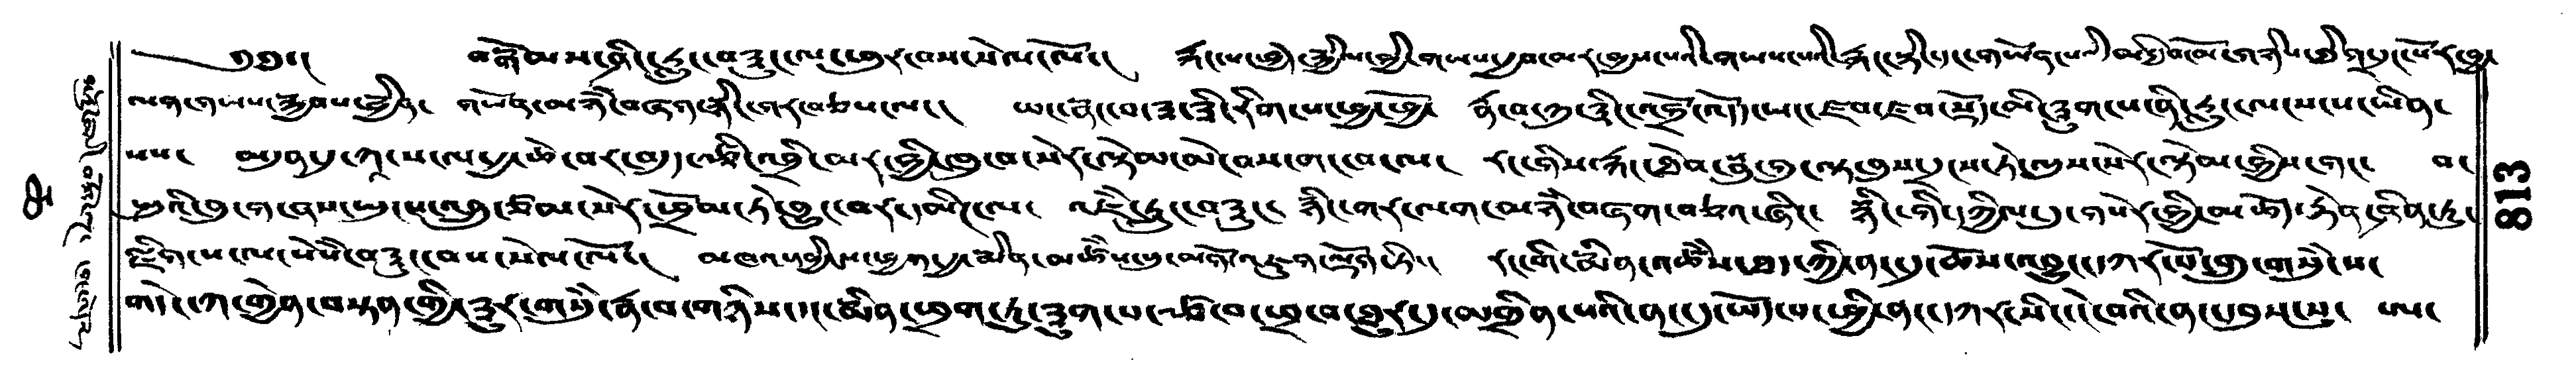བསྒོམས་ཤིང་རླུང་བཟུང་ལ་ཕུར་བས་སེལ་ལོ། རྐང་པ་ཕྱེད་སྐྱིལ་གྱི་གཡས་རྒྱབ་མར་བྱས་པའི་གཡས་པའི་རྐང་སྟིང་དང་གཡོན་པའི་མཐེབ་མོ་གཉིས་ཐིག་དྲང་པོར་བྱ། 
ལག་གཡས་སྐྱབས་སྦྱིན། གཡོན་མཉམ་བཞག་སྙིང་གར་བཅས་ལ། ཡང་སྣང་བ་ཟ་ཟི། རིག་པ་ཕྱ་ཕྱོ། རྣ་བ་ཀུ་ཟིང་། འགྲོ་འདོད་ཡང་ཛབ་ཛབ་སྡོད་མི་ཟུག་པ་ནི་རླུང་ལངས་པ་ཡིན་
པས། མདུན་དུ་ཀཱ་པ་ལ་རྒྱ་ཆེ་བར་བདུད་རྩི་འབྲི་མར་གྱི་ཁུ་བ་སེར་ལྟེམ་མེ་བས་གང་བ་ལ། རང་གིས་རྐང་མཐེབ་སྦུ་གུ་ལྟ་བུས་དྲངས་ཏེ་ལུས་སེར་སྟེམ་གྱིས་གང་། བ་
སྤུའི་བུ་ག་ནས་ཡུངས་འབྲུ་ཙམ་སེར་ཕྲོམ་མེ་བྱུང་བར་དམིགས་ལ། འཇམ་རླུང་བཟུང་སྙིང་གར་ལག་མཉམ་བཞག་བཅའ་ཞིང་། སྙིང་གི་དཀྱིལ་དུ་གསེར་གྱི་མཆོད་རྟེན་ཤིན་ཏུ་
ལྗིད་པ་ལ་སེམས་བཟུང་བས་སེལ་ལོ། མཁའ་དབྱིངས་ཕྱག་རྒྱ་སྨིན་མཚམས་སུ་མགོ་འཇུག་ལྡོག་ཏེ། རང་གི་སྨིན་འཚམས་ཐད་ཀྱི་ནང་དུ་ཆོས་འབྱུང་དཀར་པོ་གྲུ་གསུམ་པ། 
གདེངས་ཀ་གྱེན་བསྟན་གྱི་ཟུར་གསུམ་རྣ་བ་གཉིས་དང་སྨིན་ཕྲག་ཏུ་གཟུག་པ་རྩ་བ་ཕྲ་བ་ཐུར་དུ་མགྲིན་པའི་ནང་དུ་ཡོད་པ་ཕྱི་ནང་དཀར་སིང་ངེ་བའི་ནང་དབུས་སུ། ཨ་